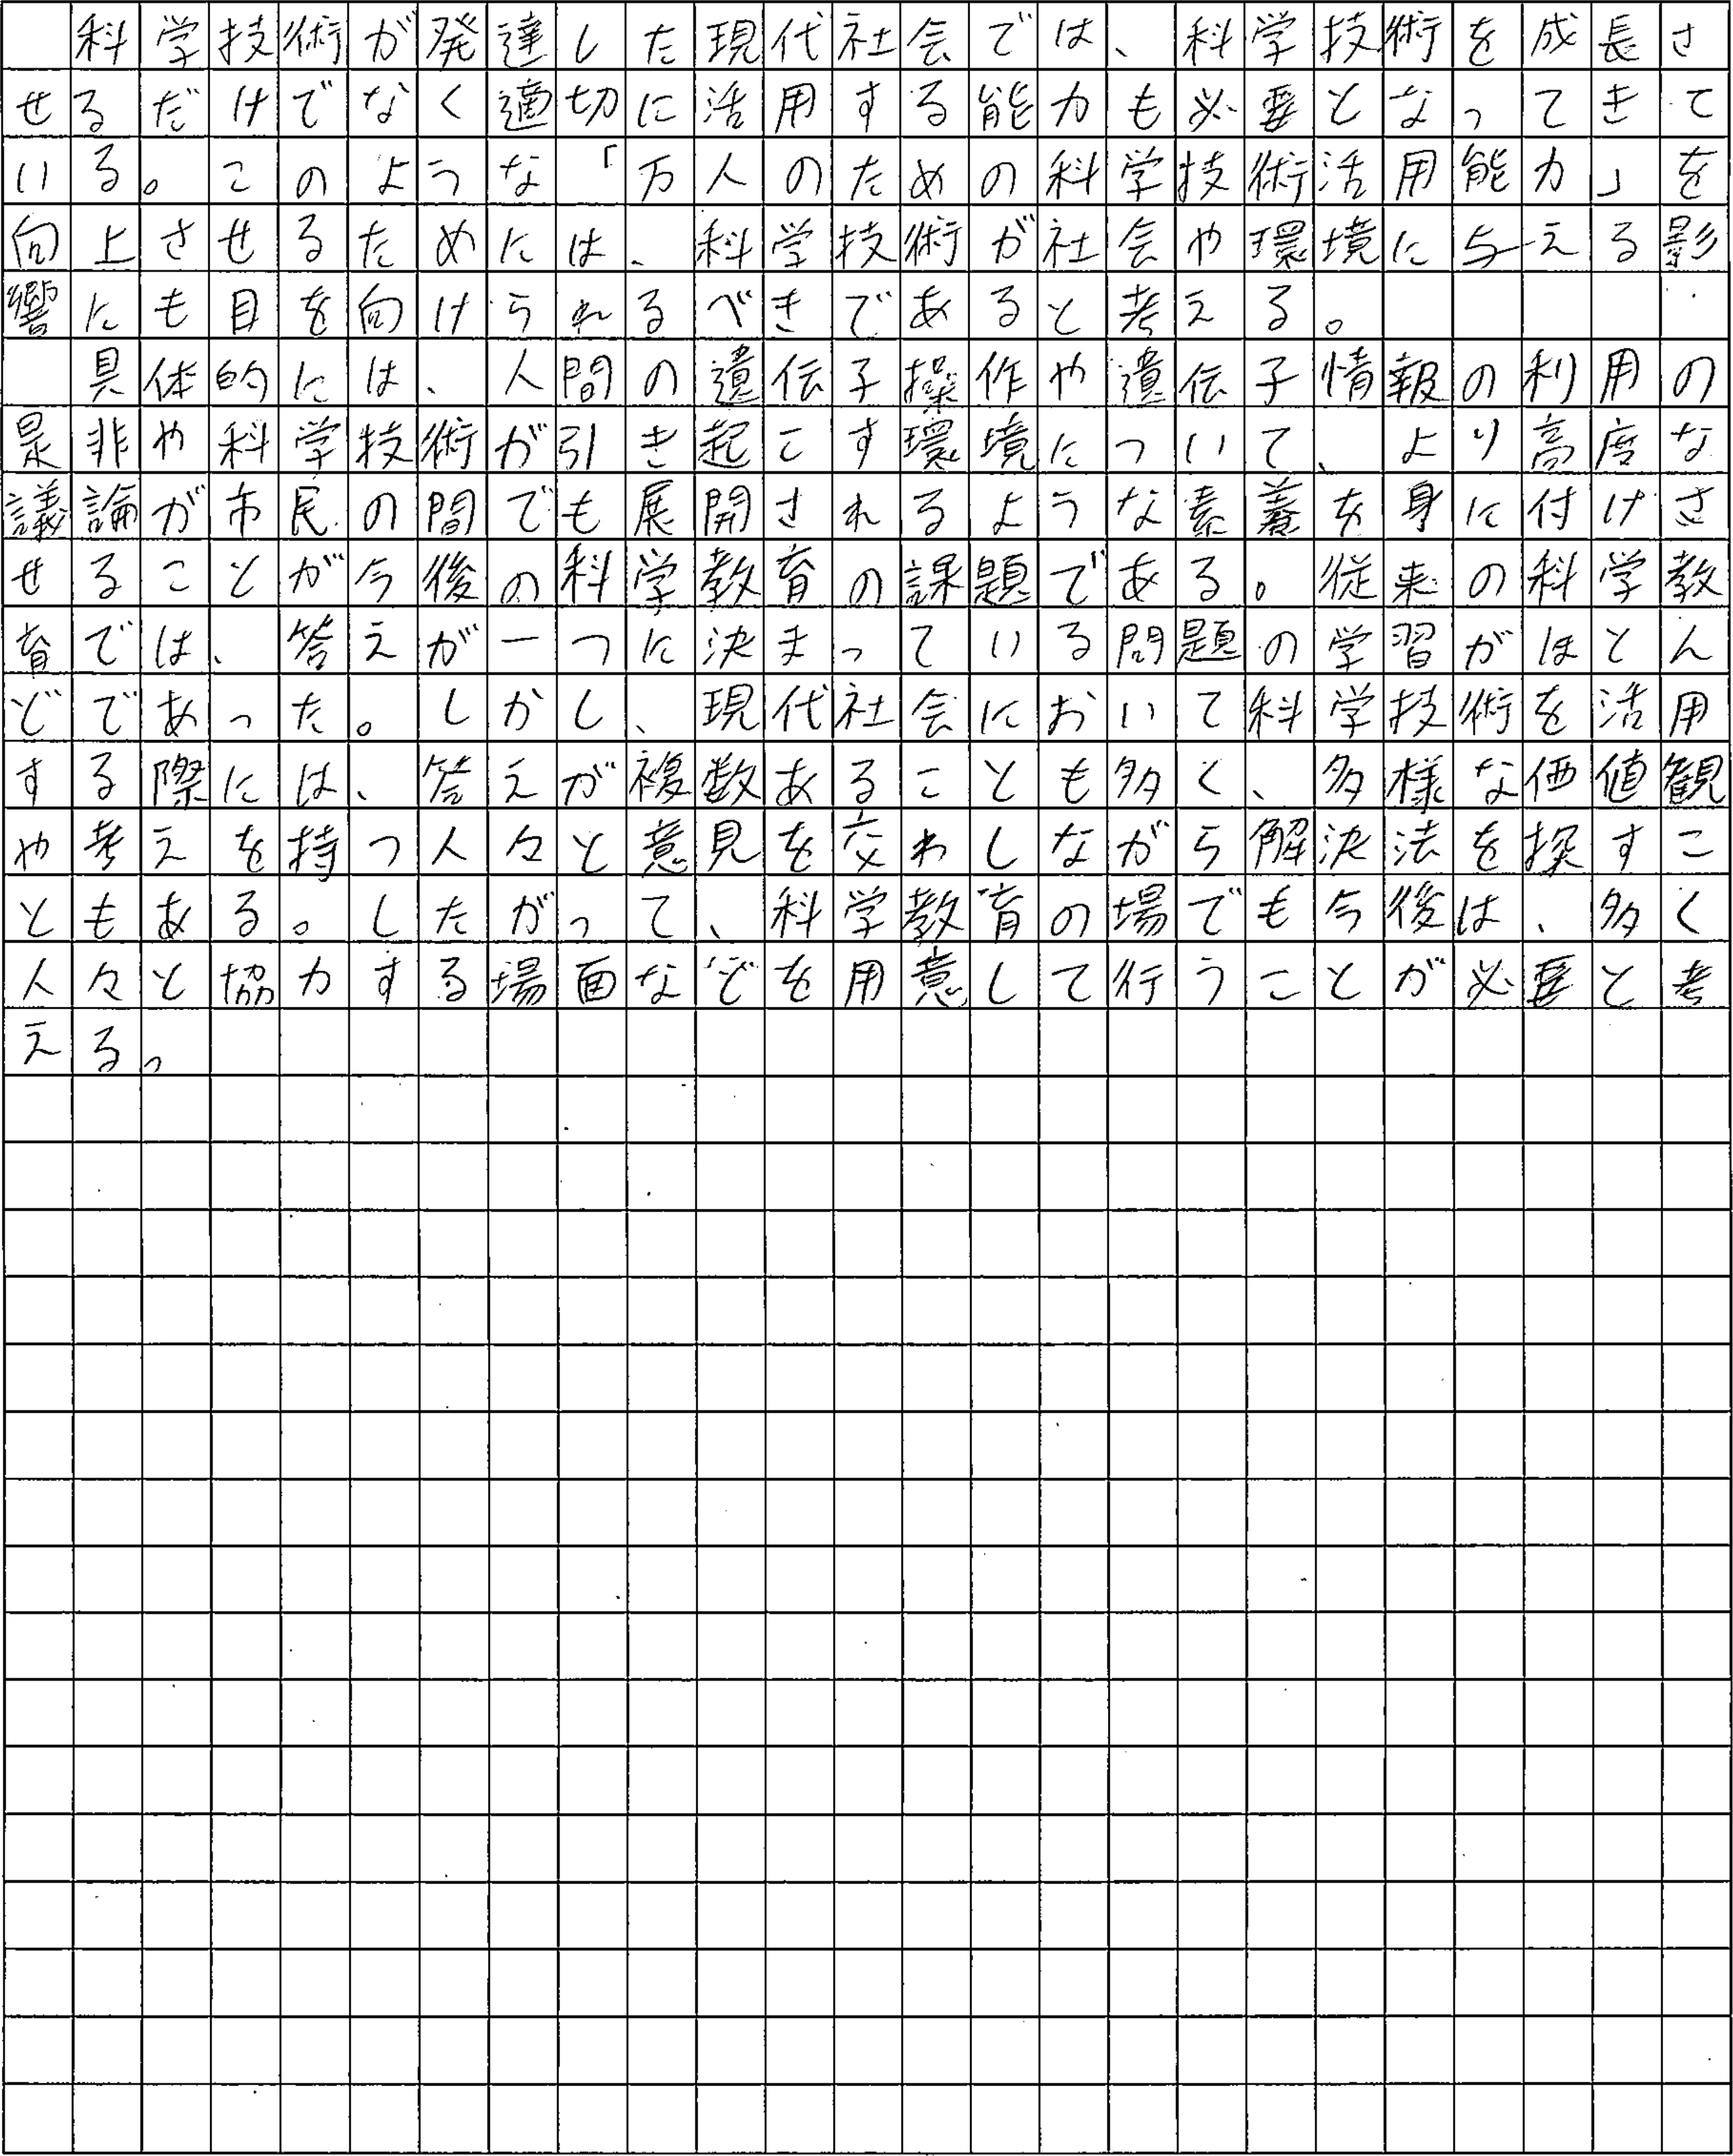　科学技術が発達した現代社会では、科学技術を成長させるだけでなく適切に活用する能力も必要となってきている。このような「万人のための科学技術活用能力」を向上させるためには、科学技術が社会や環境に与える影響にも目を向けられるべきであると考える。
　具体的には、人間の遺伝子操作や遺伝子情報の利用の是非や科学技術が引き起こす環境について、より高度な議論が市民の間でも展開されるような素養を身に付けさせることが今後の科学教育の課題である。従来の科学教育では、答えが一つに決まっている問題の学習がほとんどであった。しかし、現代社会において科学技術を活用する際には、答えが複数あることも多く、多様な価値観や考えを持つ人々と意見を交わしながら解決法を探すこともある。したがって、科学教育の場でも今後は、多く人々と協力する場面などを用意して行うことが必要と考える。
